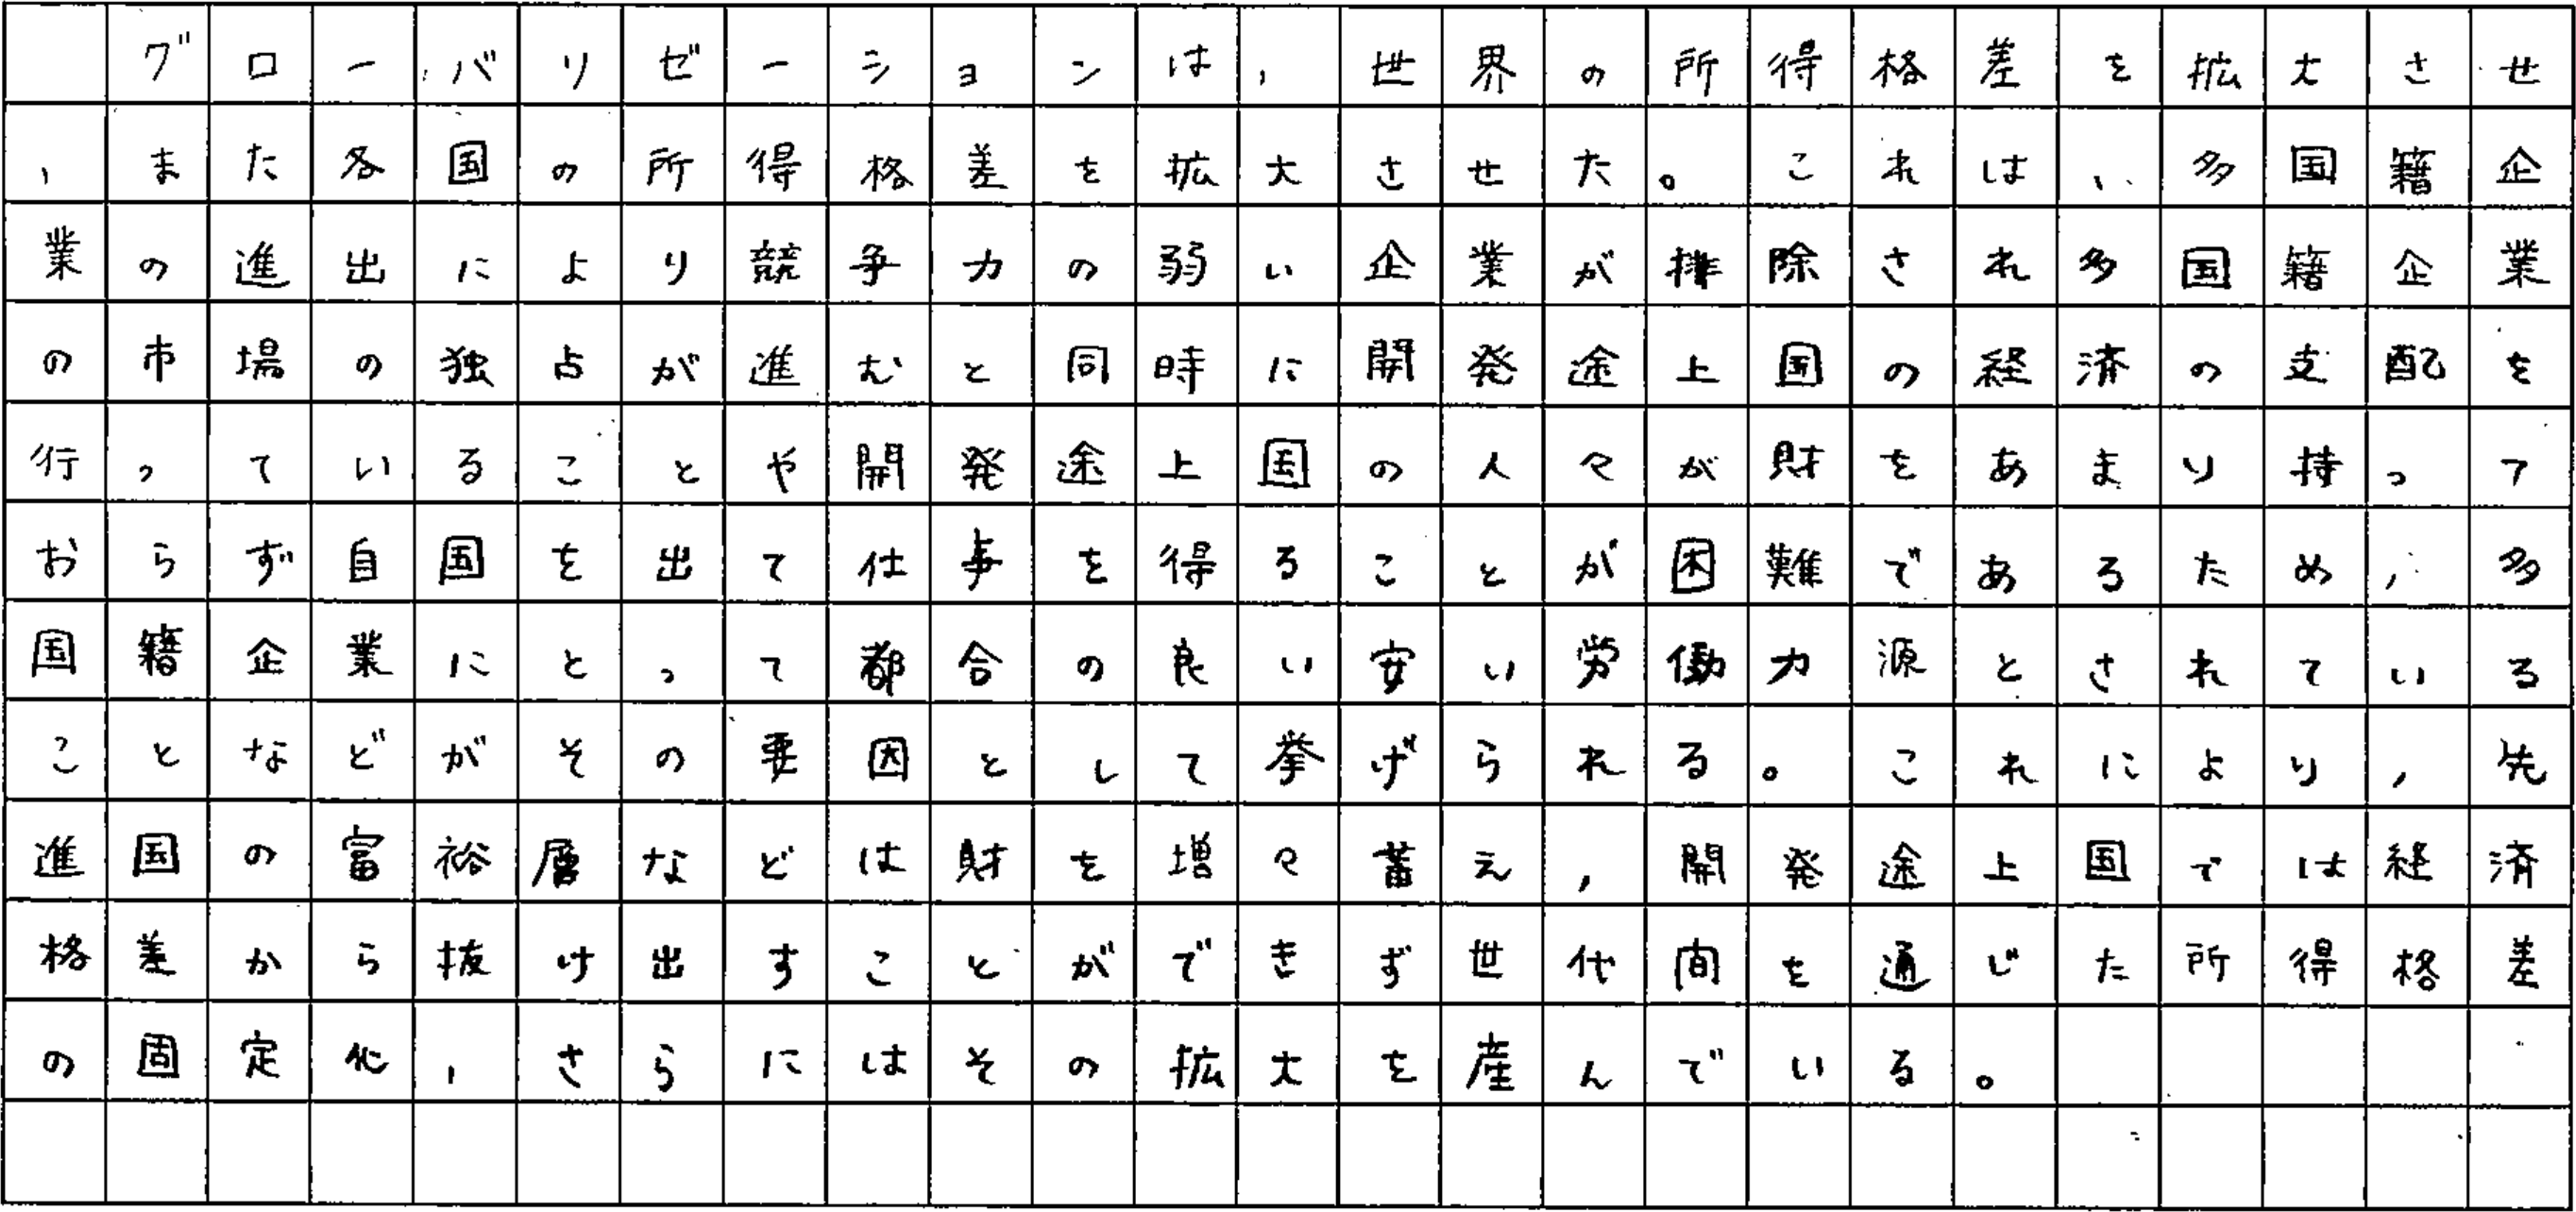　グローバリゼーションは、世界の所得格差を拡大させ、また各国の所得格差を拡大させた。これは、多国籍企業の進出により競争力の弱い企業が排除され多国籍企業の市場の独占が進むと同時に開発途上国の経済の支配を行っていることや開発途上国の人々が財をあまり持っておらず自国を出て仕事を得ることが困難であるため、多国籍企業にとって都合の良い安い労働力源とされていることなどがその要因として挙げられる。これにより、先進国の富裕層などは財を増々蓄え、開発途上国では経済格差から抜け出すことができず世代間を通じた所得格差の固定化、さらにはその拡大を産んでいる。
